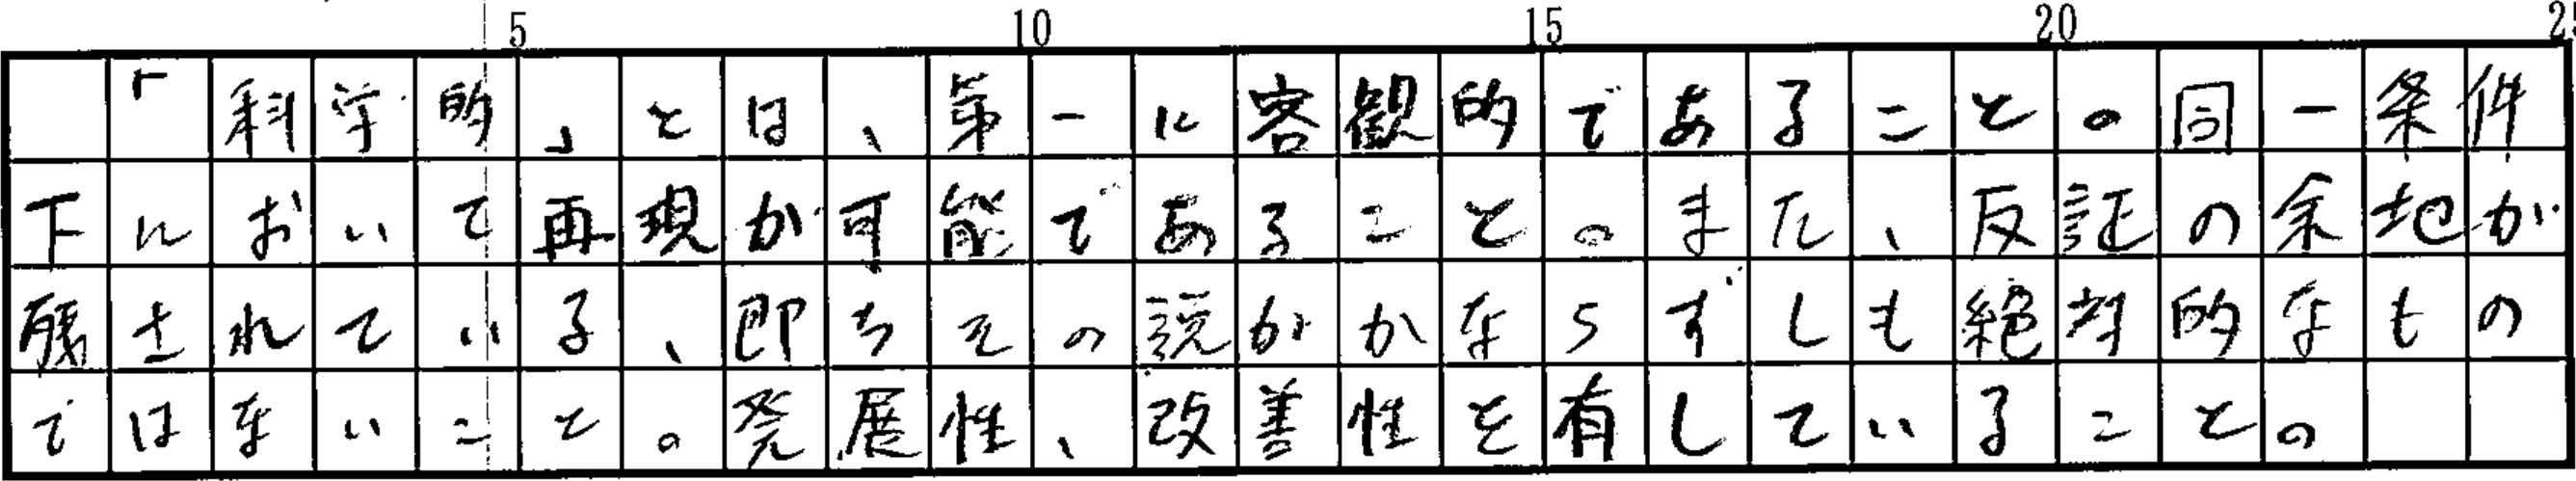　「科学的」とは、第一に客観的であること。同一条件下において再現が可能であること。また、反証の余地が残されている、即ちその説がかならずしも絶対的なものではないこと。発展性、改善性を有していること。
